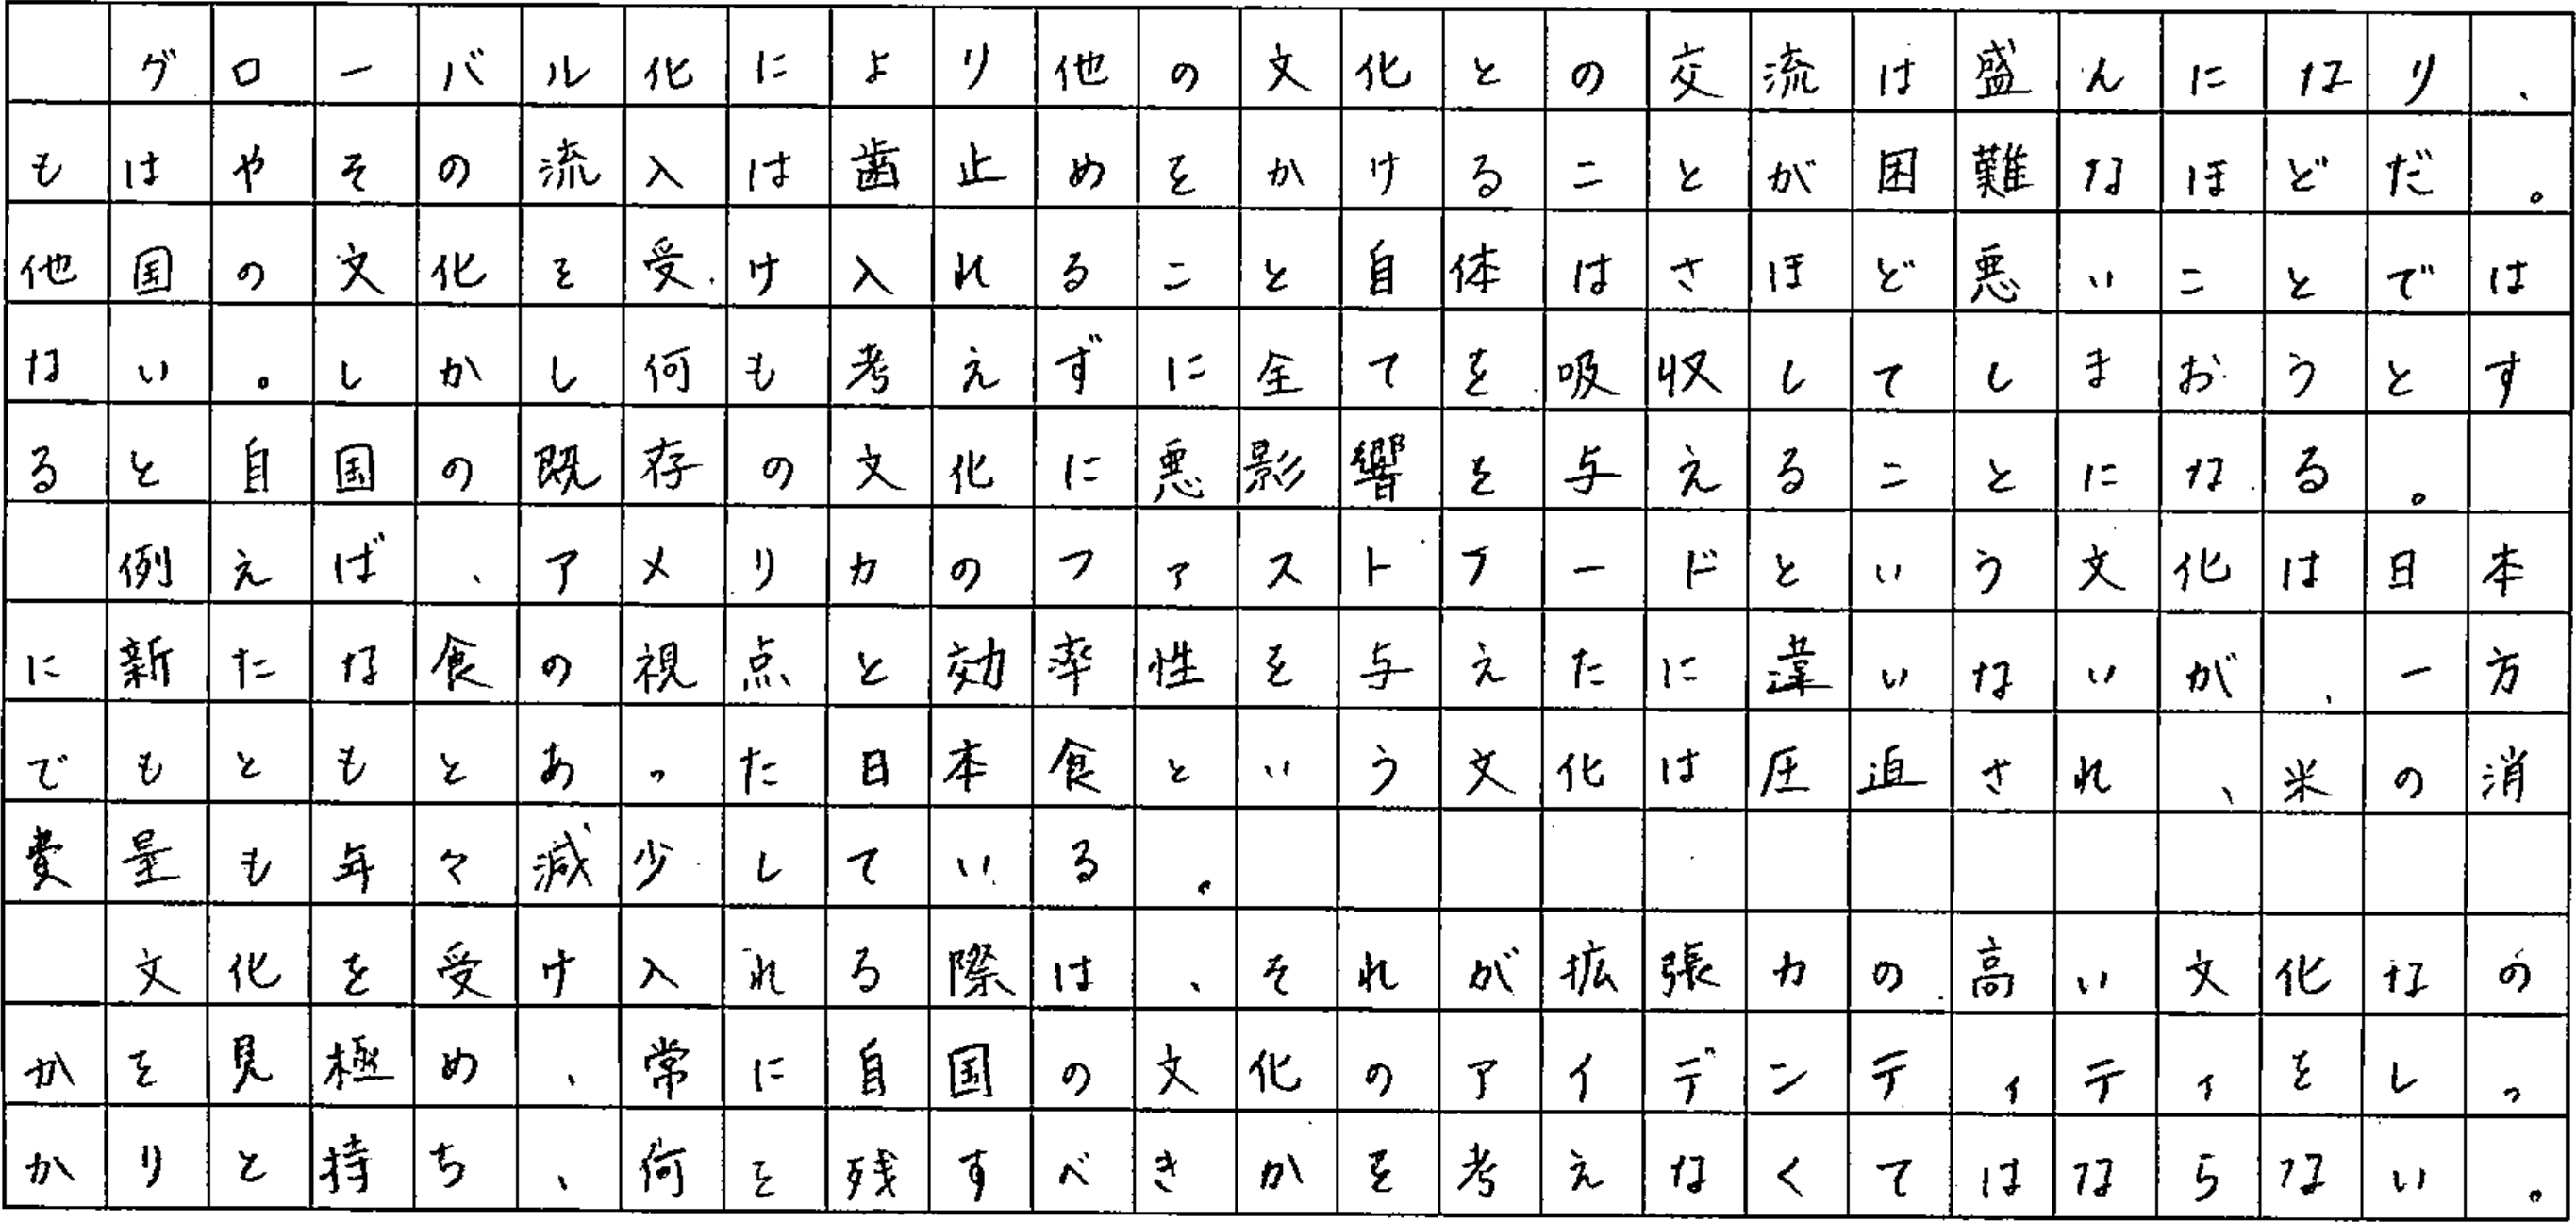　グローバル化により他の文化との交流は盛んになり、もはやその流入は歯止めをかけることが困難なほどだ。他国の文化を受け入れること自体はさほど悪いことではない。しかし何も考えずに全てを吸収してしまおうとすると自国の既存の文化に悪影響を与えることになる。
　例えば、アメリカのファストフードという文化は日本に新たな食の視点と効率性を与えたに違いないが、一方でもともとあった日本食という文化は圧迫され、米の消費量も年々減少している。
　文化を受け入れる際は、それが拡張力の高い文化なのかを見極め、常に自国の文化のアイデンティティをしっかりと持ち、何を残すべきなのかを考えなくてはならない。
